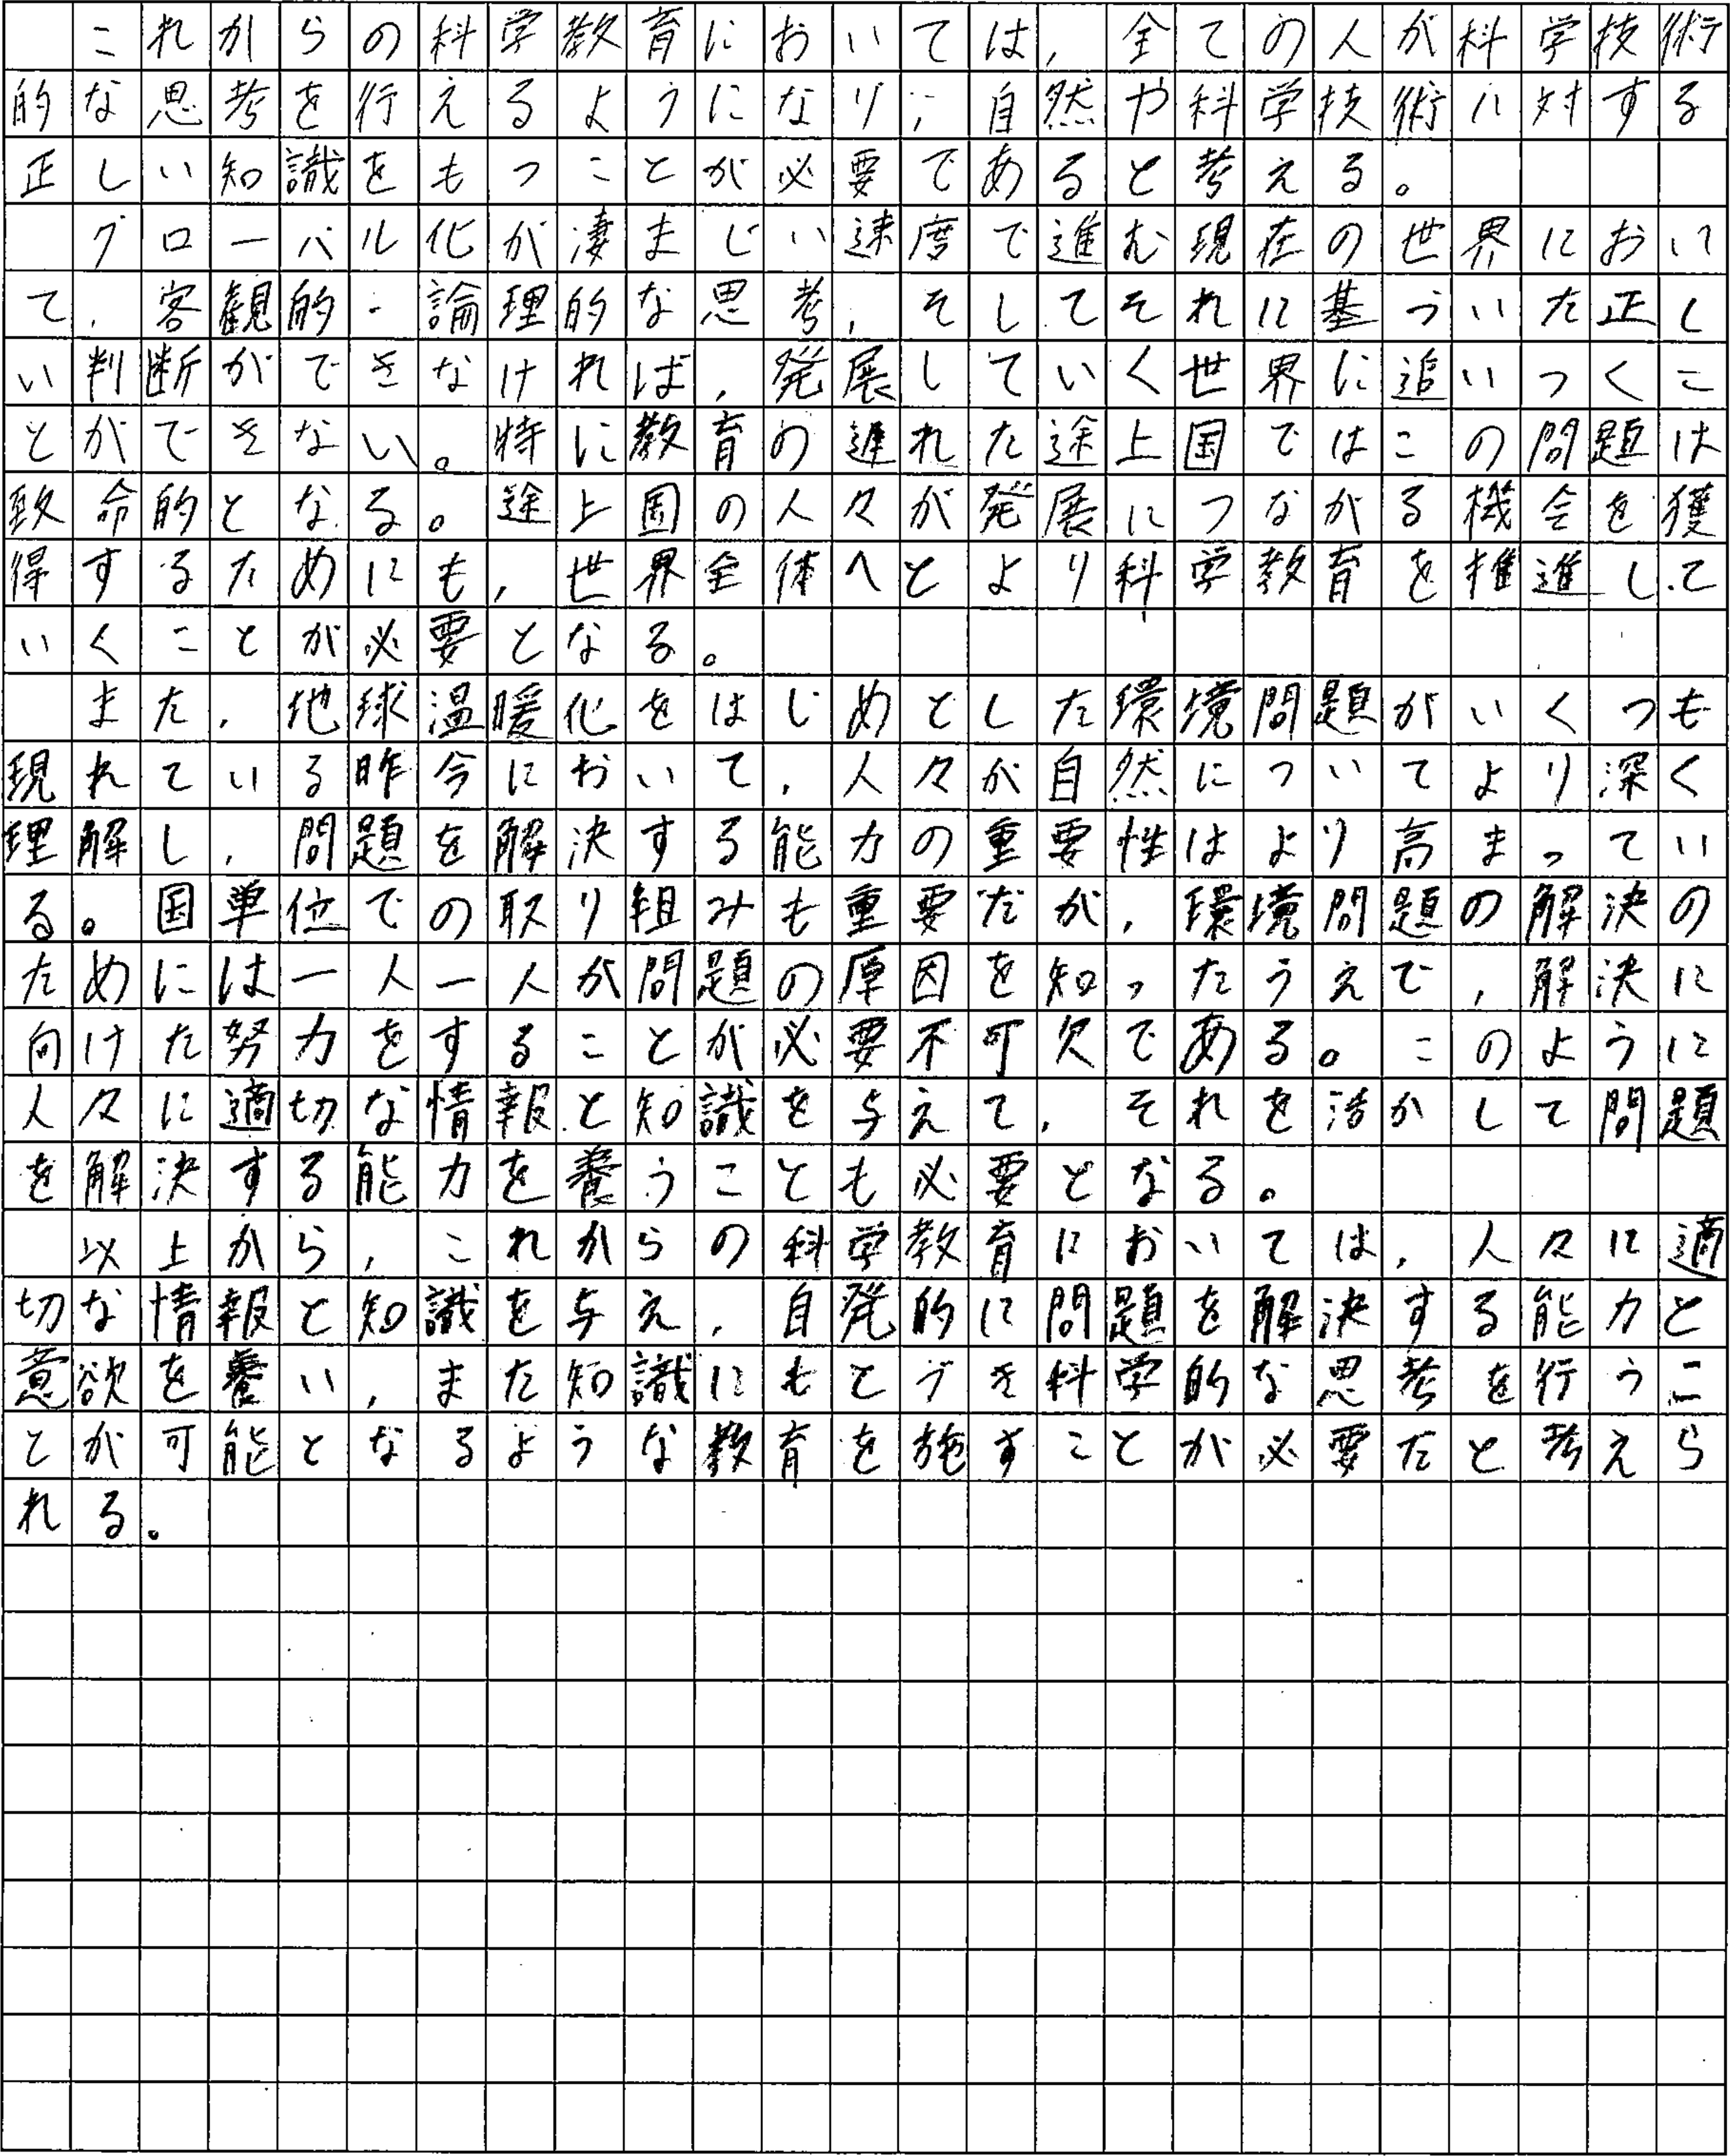　これからの科学教育においては、全ての人が科学技術的な思考を行えるようになり、自然や科学技術に対する正しい知識をもつことが必要であると考える。
　グローバル化が凄まじい速度で進む現在の世界において、客観的・論理的な思考、そしてそれに基づいた正しい判断ができなければ、発展していく世界に追いつくことができない。特に教育の遅れた途上国ではこの問題は致命的となる。途上国の人々が発展につながる機会を獲得するためにも、世界全体へとより科学教育を推進していくことが必要となる。
　また、地球温暖化をはじめとした環境問題がいくつも現れている昨今において、人々が自然についてより深く理解し、問題を解決する能力の重要性はより高まっている。国単位での取り組みも重要だが、環境問題の解決のためには一人一人が問題の原因を知ったうえで、解決に向けた努力をすることが必要不可欠である。このように人々に適切な情報と知識を与えて、それを活かして問題を解決する能力を養うことも必要となる。
　以上から、これからの科学教育においては、人々に適切な情報と知識を与え、自発的に問題を解決する能力と意欲を養い、また知識にもとづき科学的な思考を行うことが可能となるような教育を施すことが必要だと考えられる。
